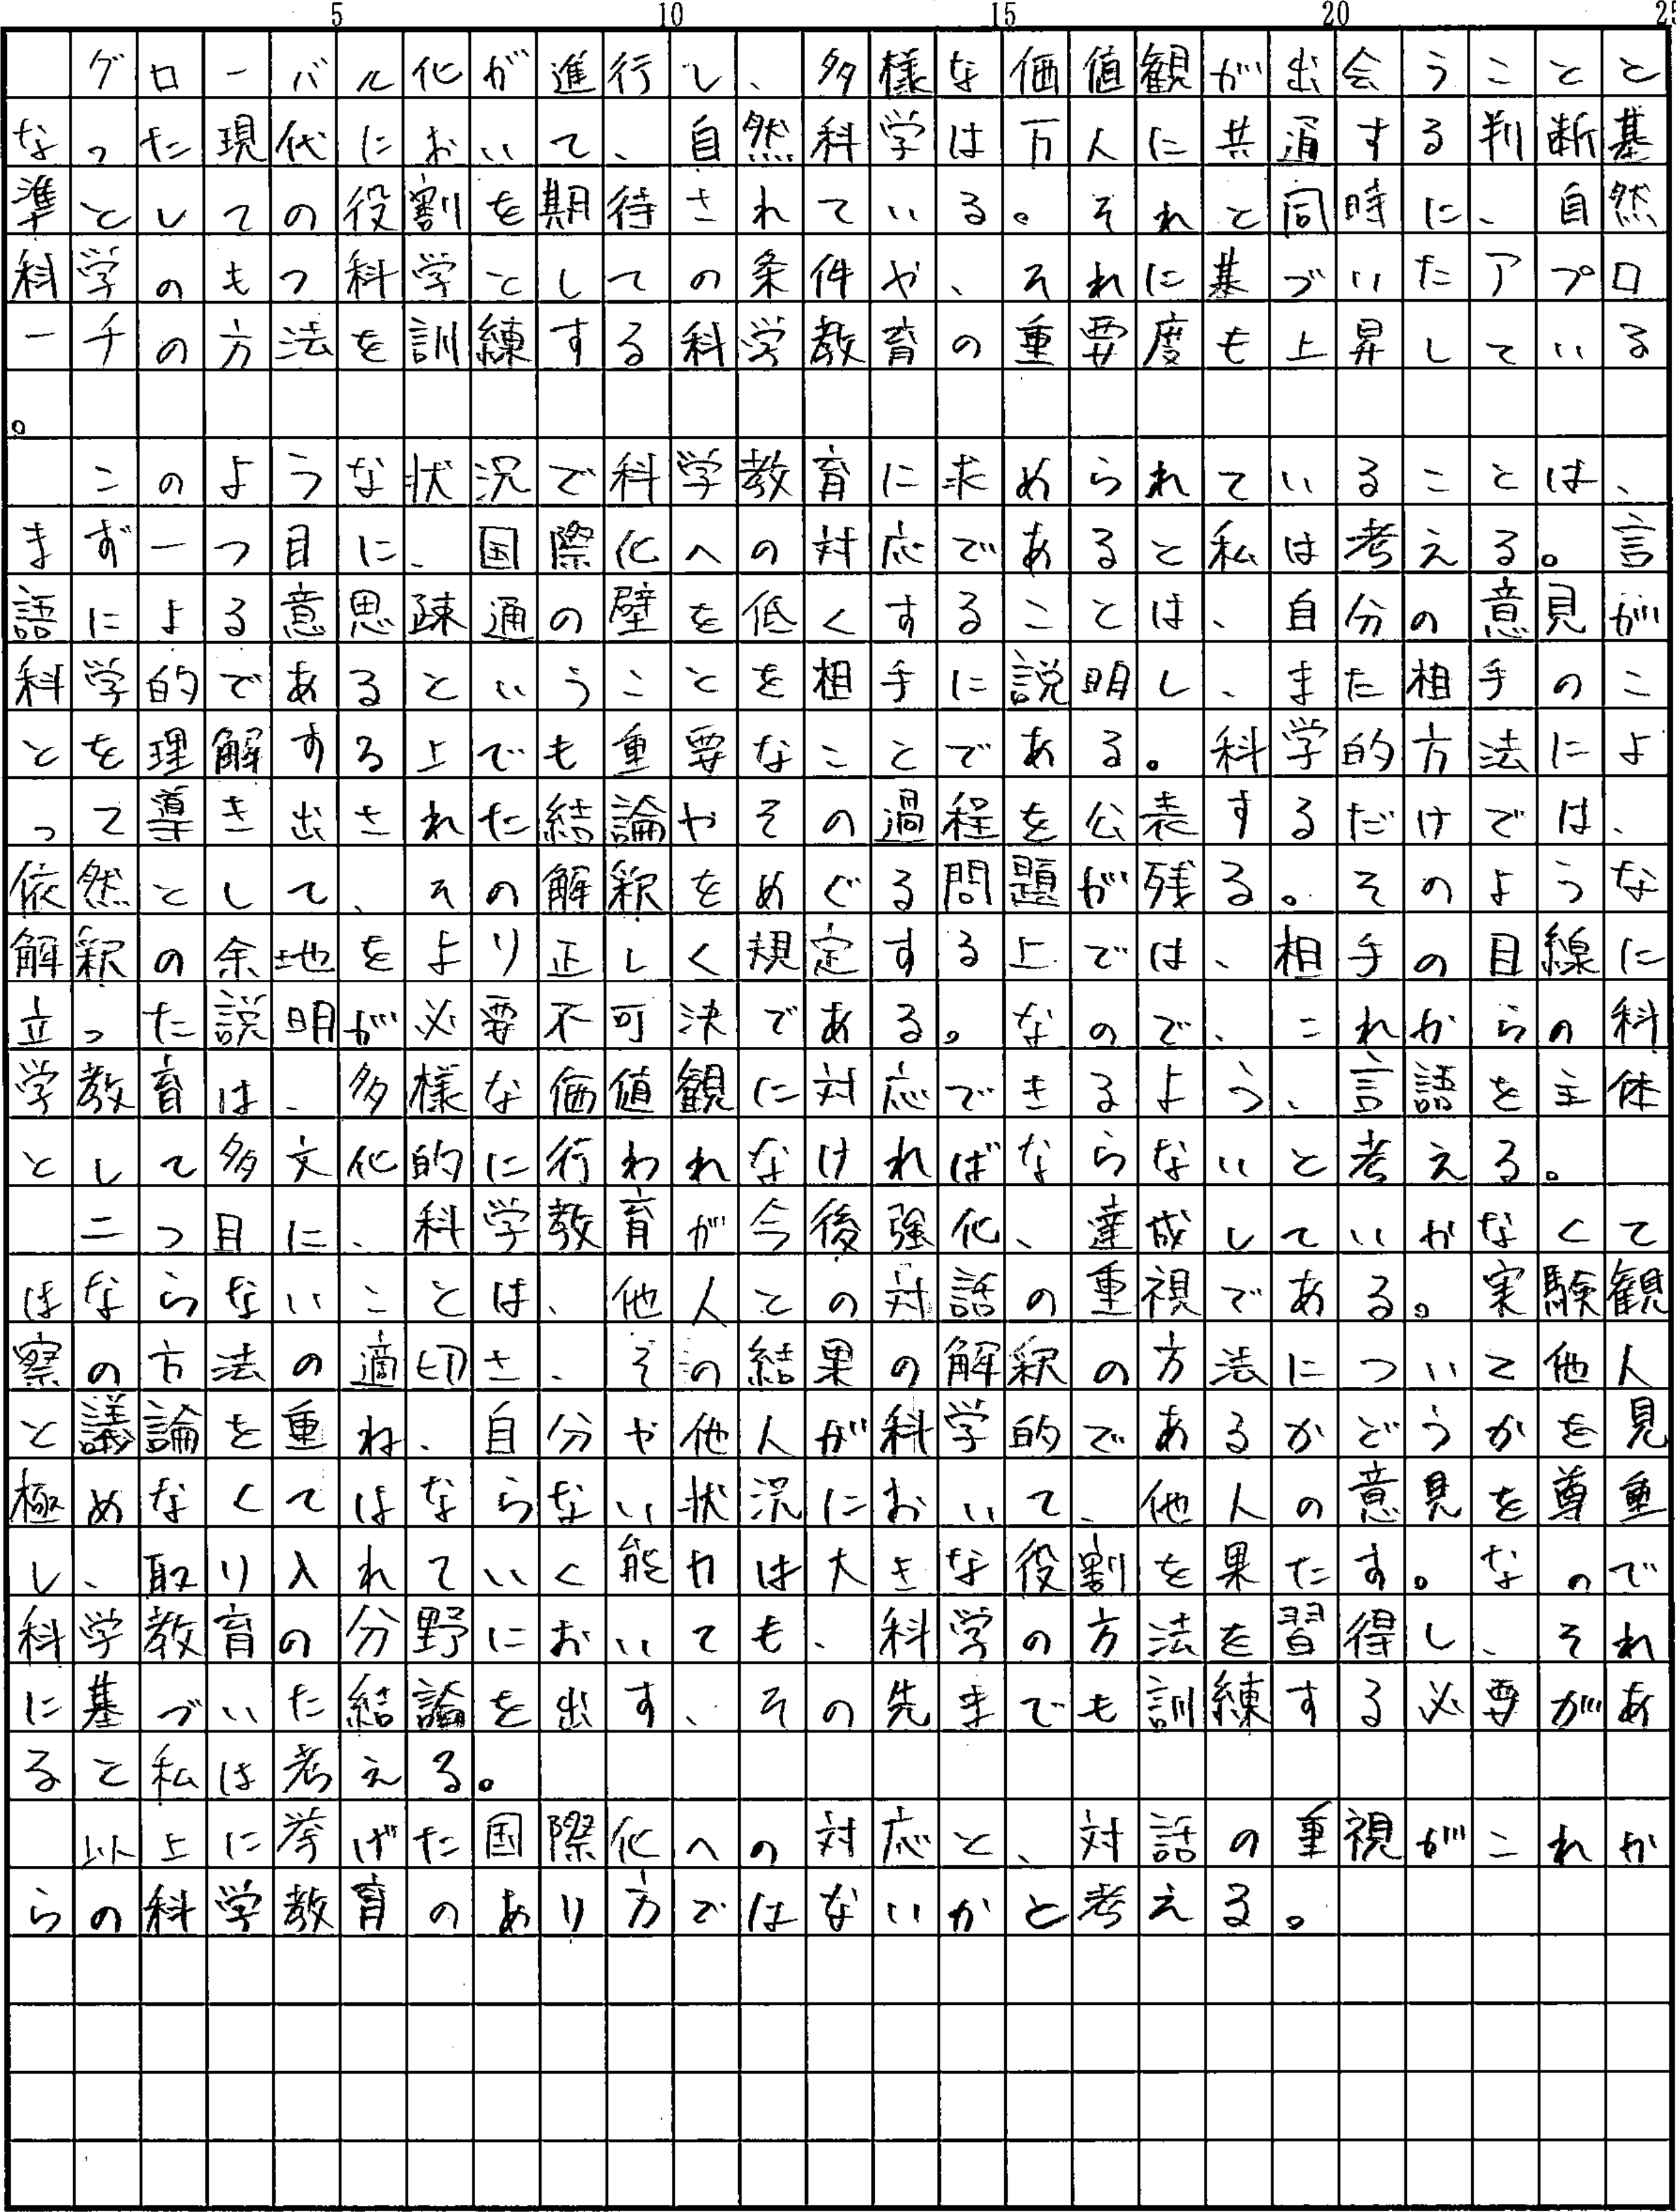　グローバル化が進行し、多様な価値観が出会うこととなった現代において、自然科学は万人に共通する判断基準としての役割を期待されている。それと同時に、自然科学のもつ科学としての条件や、それに基づいたアプローチの方法を訓練する科学教育の重要度も上昇している。
　このような状況で科学教育に求められていることは、まず一つ目に、国際化への対応であると私は考える。言語による意思疎通の壁を低くすることは、自分の意見が科学的であるということを相手に説明し、また相手のことを理解する上でも重要なことである。科学的方法によって導き出された結論やその過程を公表するだけでは、依然として、その解釈をめぐる問題が残る。そのような解釈の余地をより正しく規定する上では、相手の目線に立った説明が必要不可決である。なので、これからの科学教育は、多様な価値観に対応できるよう、言語を主体として多文化的に行われなければならないと考える。
　二つ目に、科学教育が今後強化、達成していかなくてはならないことは、他人との対話の重視である。実験観察の方法の適切さ、その結果の解釈の方法について他人と議論を重ね、自分や他人が科学的であるかどうかを見極めなくてはならない状況において、他人の意見を尊重し、取り入れていく能力は大きな役割を果たす。なので科学教育の分野においても、科学の方法を習得し、それに基づいた結論を出す、その先までも訓練する必要があると私は考える。
　以上に挙げた国際化への対応と、対話の重視がこれからの科学教育のあり方ではないかと考える。
